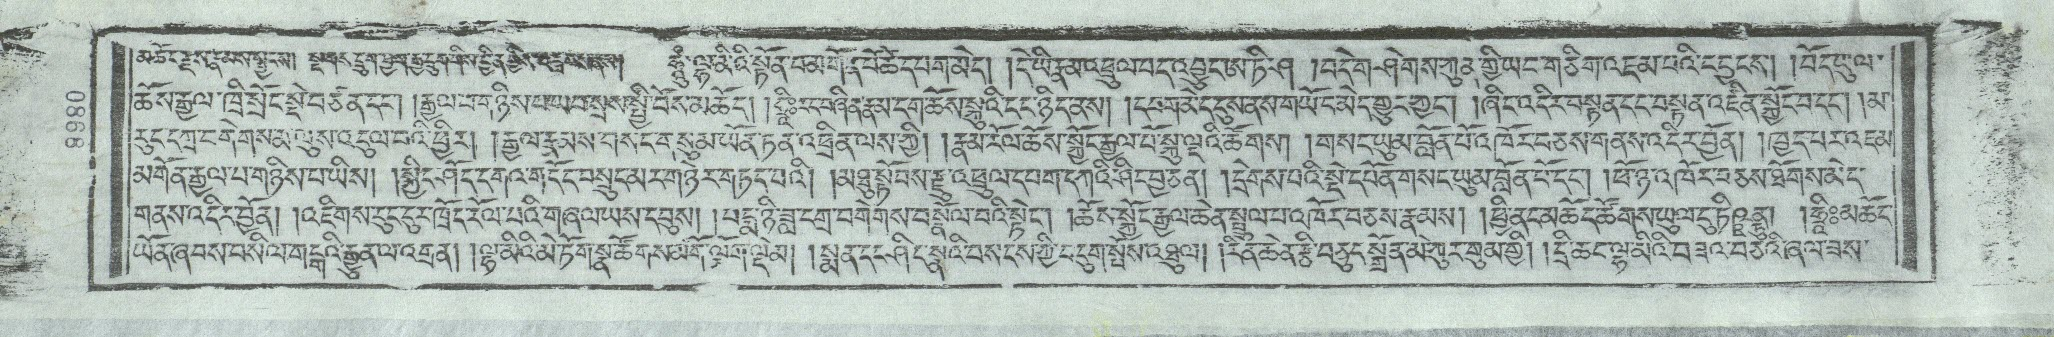མཆོང་རྫས་རྣམས་སྦྱངས། སྡགས་དྲུག་ཕྱག་རྒྱ་དུག་གིས་བྱིན་གྱིས་བདྲགས་ནས། ཧཱུཾ་ལྷ་མིའི་སྟོན་པ་མགོན་པོ་ཚེ་དཔག་མེད། །དེ་ཡི་རྣམ་འཕྲུལ་བད་འབྱུང་ཨ་ཏི་ཤ་།བདེ་གཤེགས་ཀུན་གྱི་ཡང་གཅིག་འཇམ་པའི་དབྱངས། །བོད་ཡུལ་
ཆོས་རྒྱལ་ཁྲི་སྲོང་སྡེ་བཙན་དང་། །རྒྱལ་པ་གཉིས་པ་ཡབ་སྲས་སྤྱི་བོས་མཆོད། །ཧྲཱིཿ རང་བཞིན་རྣམ་དག་ཆོས་སྐུའི་དང་ཉིར་ནས། །དཔག་མེད་དུས་ནས་གཡོང་མེད་གྱུར་ཀྱང་། །ཞིང་འདིར་བསྟན་དང་བསྟན་འཛིན་སྐྱོང་བ་དང་། །མ་
རུང་དཀྲ་བགེགས་མ་ལུས་འདུལ་བའི་ཕྱིར། །རྒྱལ་རྣམས་གསང་གསུམ་ཡོན་ཏན་འཕྲིན་ལས་ཀྱི། །རྣམ་རོལ་ཆོས་སྐྱོང་རྒྱལ་པོ་སྐུ་ལྔའི་ཚོགས། །གསང་ཡུམ་བློན་པོ་འཁོར་བཅས་གནས་འདིར་བྱོན། །ཁྱད་པར་འཇམ་
མགོན་རྒྱལ་པ་གཉིས་པ་ཡིས། །སྐྱིང་ཤོད་དགའ་གདོང་བསྲུད་མར་གཉེར་གཏད་པའི། །མཐུ་སྟོབས་རྫུ་འཕྲུལ་དཔག་དཀའི་ཤིང་བྱ་ཅན། །དྲེགས་པའི་སྡེ་དཔོན་གསང་ཡུམ་བློན་པོ་དང་། །ཕོ་ཉ་འཁོར་བཅས་ཐོགས་མེད་
གནས་འདིར་བྱོན། །འཇིགས་རུང་དུར་ཁྲོད་རོལ་པའི་གཞལ་ཡས་དབུས། །པདམ་ཉི་ཟླ་དགྲ་བགེགས་བསྣོལ་བའི་སྟེང་། །ཆོས་སྐྱོང་རྒྱལ་ཆེན་སྤྲུལ་པ་འཁོར་བཅས་རྣམས། །ཕྱི་ནང་མཆོད་ཚོགས་ཡུལ་དུ་ཏི་ཥཱ་ནྷུ། །ཧྲའིཿ མཆོད་
ཡོན་ཞབས་བསིལ་གངྒའི་རྒྱུན་ལ་འགྲན། །ལྷ་མིའི་མེ་ཏོ། །སྣ་ཚོགས་ཡོག་ལྕོག་ལྡེམ། །སྨན་དང་ཤིང་སྣའི་བསངས་ཀྱི་བདུག་སྤོས་འཐུལ། །རིན་ཆེན་རྩི་བཅུང་སྒྲོན་མེ་ཀུར་གུམ་གྱི། །དྲི་ཆང་ལྷ་མིའི་བཟའ་བཅའི་ཞལ་ཟས་